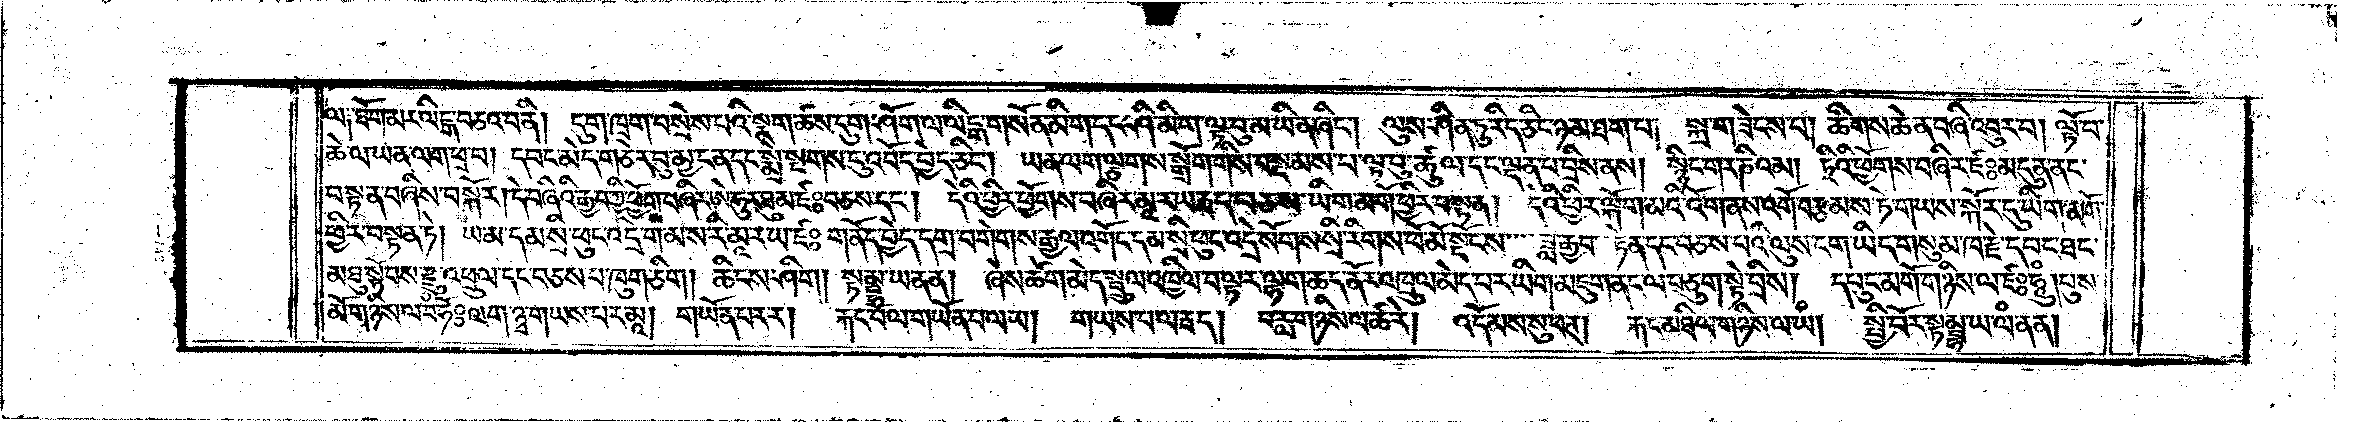ལ༑ ཐོག་མར་ལིངྒ་བཅའ་བ་ནི། དུག་ཁྲག་བསྲེས་པའི་སྣག་ཚས་དུག་ཤོག་ལ་ལིངྒ་གསོན་མིག་དང་ཤི་མིག་ལྟ་བུ་མ་ཡིན་ཞིང་། ལུས་ཤིན་ཏུ་རིད་ཅིང་ཉམ་ཐག་པ། སྐྲ་གཟེངས་པ། ཚིགས་ཆེན་བཞི་འབུར་བ། ལྟོ་བ་
ཆེ་ལ་ཡན་ལག་ཕྲ་བ། དབང་མེད་གཅེར་བུ་མྱ་ངན་དང་སྨྲེ་སྔགས་དུ་འབོད་བྱེད་ཅིང་། ཡན་ལག་ལྕགས་སྒྲོག་གིས་བསྡམས་པ་ལྟ་བུ་ཚུལ་དང་ལྡན་པ་བྲིས་ནས། སྙིང་གར་ཎིའམ། ཏྲིའི་ཕྱོགས་བཞིར་ཛཿམདུན་ནང་
བསྟན་བཞིས་བསྐོར། དེ་བཞིའི་རྒྱབ་ཀྱི་ཕྱོགས་བཞིར་ཨེ་ཧུར་ཐུམ་ཛཿབཅས་དང་། དེའི་ཕྱིར་ཕྱོགས་བཞིར་མཱ་ར་ཡ་རྦད་བཅས་ཡིག་མགོ་ཕྱིར་བསྟན། དེའི་ཕྱིར་ལྐོག་མའི་འོག་ནས་འགོ་བརྩམས་ཏེ་གཡས་སྐོར་དུ་ཡིག་མགོ་
ཕྱིར་བསྟན་ཏེ། ཡ་མ་དམ་སྲི་ཕུང་འདྲེ་གི་མ་ས་རི་མཱ་ར་ཡ་ཛཿགནོད་བྱེད་དགྲ་བགེགས་རྒྱལ་འགོང་དམ་སྲི་ཕུང་འདྲེ་སོགས་སྲི་རིགས་ཕོ་མོ་སྡོངས་ཟླ་རྒྱབ་རྟེན་དང་བཅས་པའི་ལུས་ངག་ཡིད་གསུམ་ཁ་རྗེ་དབང་ཐང་
མཐུ་སྟོབས་རྫུ་འཕྲུལ་དང་བཅས་པ་ཁུ་གཅིག །ཆིངས་ཤིག ། སྟམྦྷ་ཡ་ནན། ཞེས་ཚེག་མེད་སྦྲུལ་འཁྱིལ་བ་ལྟར་ལྷག་ཆད་ནོར་འཁྲུལ་མེད་པར་ཡིག་མཇུག་ནང་ལ་བཅུག་སྟེ་བྲིས། དཔུང་མགོ་གཉིས་ལ་ཛཿཧཱུཾ། པུས་
མོ་གཉིས་ལ་བཾ་ཧོཿ ལག་ཉྭ་གཡས་པར་མཱ། གཡོན་པར་ར། རྐང་བ་ལ་གཡོན་བ་ལ་ཡ། གཡས་པ་ལ་རྦད། བརླ་གཉིས་ལ་ཚ་རེ། འདོམས་སུ་ཕཊ། རྐང་མཐིལ་གཉིས་ལ་ཡཾ། སྤྱི་བོར་སྟམྦྷ་ཡ་ལཾ་ནན།